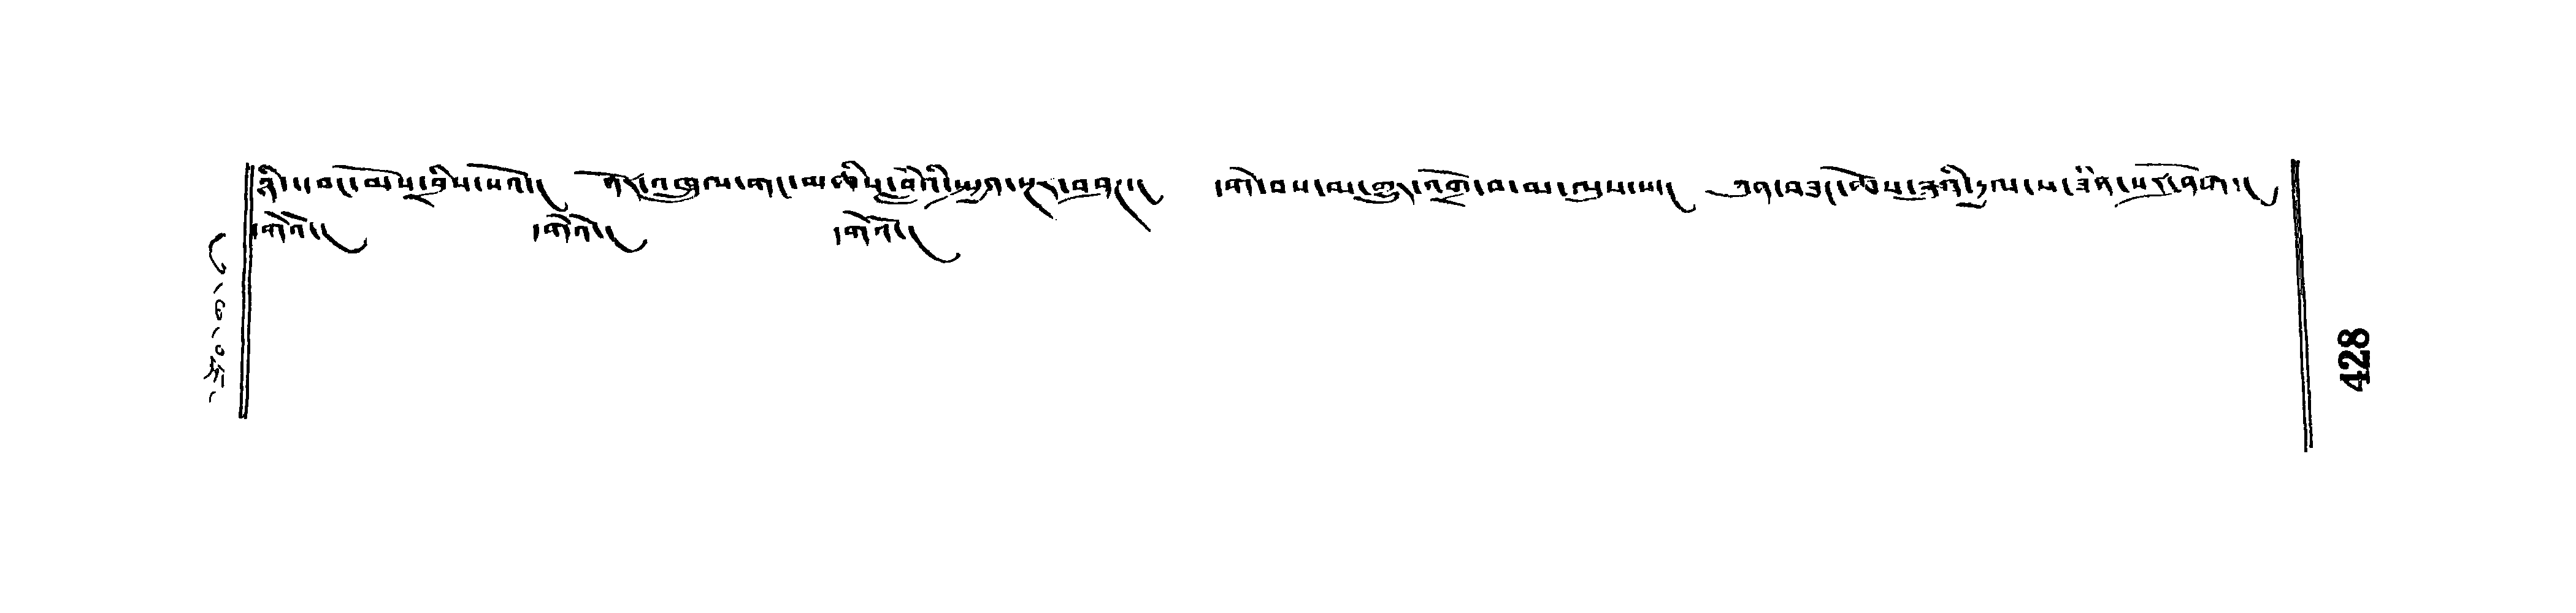ཉིད་དབང་མོས་བྲིས་པའོ། །ནོར་འཁྲུལ་གང་མཆིས་བླ་མའི་སྤྱན་སྔར་བཤགས། དགེ་བས་མ་གྱུར་འགྲོ་བ་མ་ལུས་པ། །ཀུན་བཟང་ཆོས་སྐུའི་རྒྱལ་ས་ཟིན་པར་ཤོག 
དགེའོ།། དགེའོ།། དགེའོ།།